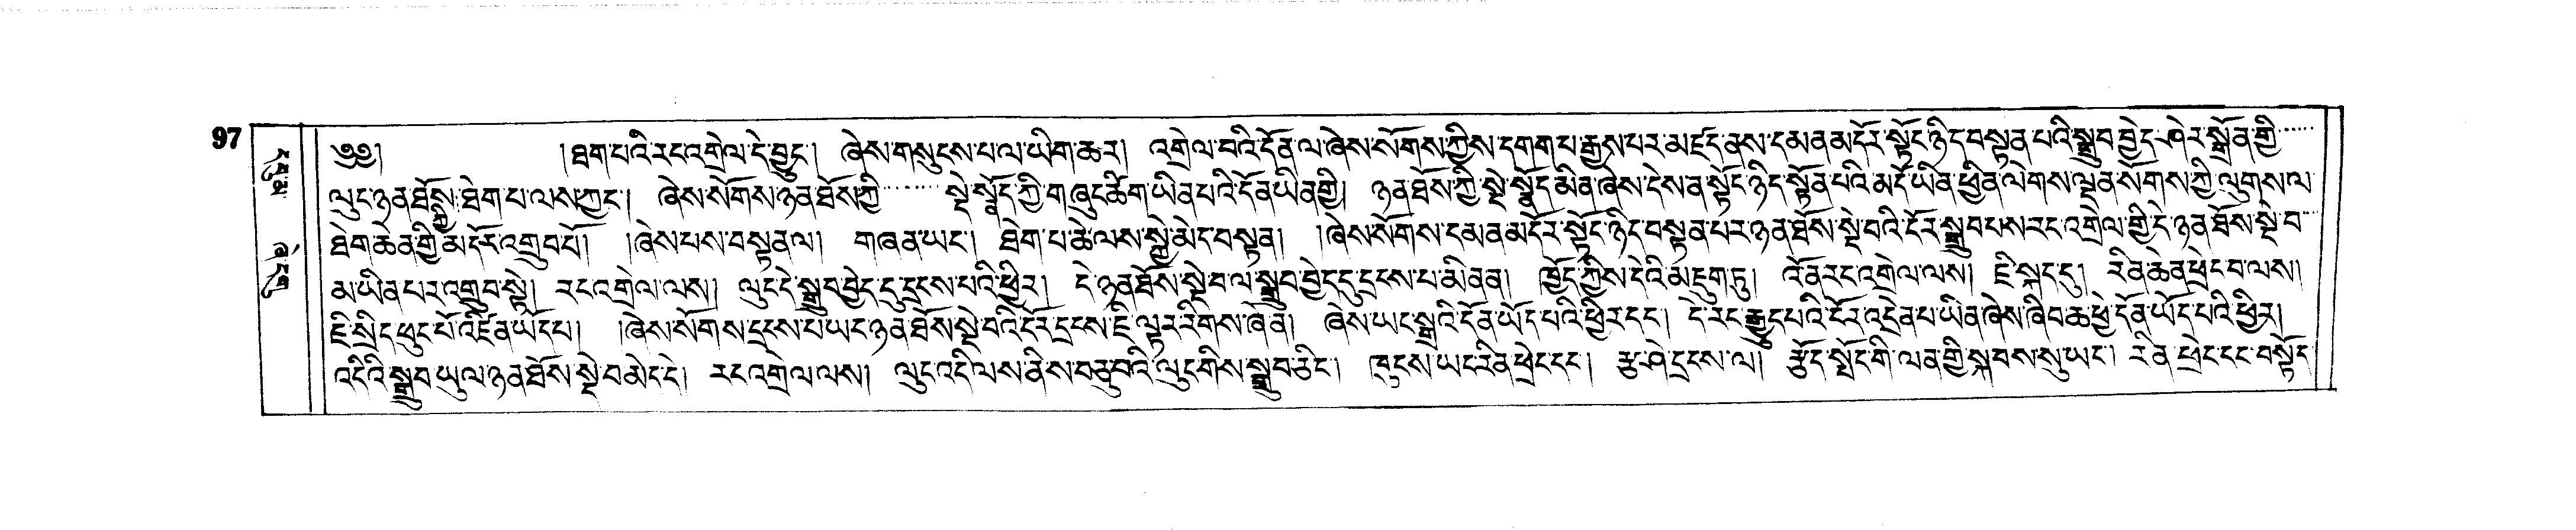༄༅། །ཐག་པའི་རང་འགྲེལ་དེ་བྱུང་། ཞེས་གསུངས་པ་ལ་ཡིག་ཆར། འགྲེལ་བའི་དོན་ལ་ཞེས་སོགས་ཀྱིས་དགག་པ་རྒྱས་པར་མཛད་ནས་དམན་མདོར་སྟོང་ཉིད་བསྟན་པའི་སྒྲུབ་བྱེད་ཤེར་སྒྲོན་གྱི་
ལུང་ཉན་ཐོས་ཀྱི་ཐེག་པ་ལས་ཀྱང་། ཞེས་སོགས་ཉན་ཐོས་ཀྱི་སྡེ་སྣོད་ཀྱི་གཞུང་ཚིག་ཡིན་པའི་དོན་ཡིན་གྱི། ཉན་ཐོས་ཀྱི་སྡེ་སྣོད་མིན་ཞེས་དེས་ན་སྟོང་ཉིད་སྟོན་པའི་མདོ་ཡིན་ཕྱིན་ལེགས་ལྡན་སོགས་ཀྱི་ལུགས་ལ་
ཐེག་ཆེན་གྱི་མདོར་འགྲུབ་པོ། །ཞེས་པས་བསྟན་ལ། གཞན་ཡང་། ཐེག་པ་ཆེ་ལས་སྐྱེ་མེད་བསྟན། །ཞེས་སོགས་དམན་མདོར་སྟོང་ཉིད་བསྟན་པར་ཉན་ཐོས་སྡེ་བའི་ངོར་སྒྲུབ་པས་རང་འགྲེལ་གྱི་དེ་ཉན་ཐོས་སྡེ་བ་
མ་ཡིན་པར་འགྲུབ་སྟེ། རང་འགྲེལ་ལས། ལུང་དེ་སྒྲུབ་བྱེད་དུ་དྲངས་པའི་ཕྱིར། དེ་ཉན་ཐོས་སྡེ་བ་ལ་སྒྲུབ་བྱེད་དུ་དྲངས་པ་མིན་ན། ཁྱོད་ཀྱིས་དེའི་མཇུག་ཏུ། འོ་ན་རང་འགྲེལ་ལས། ཇི་སྐད་དུ། རིན་ཆེན་ཕྲེང་བ་ལས།
ཇི་སྲིད་ཕུང་པོ་འཛིན་ཡོད་པ། །ཞེས་སོགས་དྲངས་པ་ཡང་ཉན་ཐོས་སྡེ་བའི་ངོར་དྲངས་ཇི་ལྟར་རིགས་ཞེ་ན། ཞེས་ཡང་སྒྲའི་དོན་ཡོད་པའི་ཕྱིར་དང་། དེ་རང་རྒྱུད་པའི་ངོར་འདྲེན་པ་ཡིན་ཞེས་ཞིབ་ཆ་ཕྱེ་དོན་ཡོད་པའི་ཕྱིར།
འདིའི་སྒྲུབ་ཡུལ་ཉན་ཐོས་སྡེ་བ་མེད་དེ། རང་འགྲེལ་ལས། ལུང་འདི་ལས་ནི་ས་བཅུ་བའི་ལུང་གིས་སྒྲུབ་ཅིང་། ཁུངས་ཡང་རིན་ཕྲེང་དང་། རྩ་ཤེ་དྲངས་ལ། རྩོད་སྤོང་གི་ལན་གྱི་སྐབས་སུ་ཡང་། རིན་ཕྲེང་དང་བསྟོད་